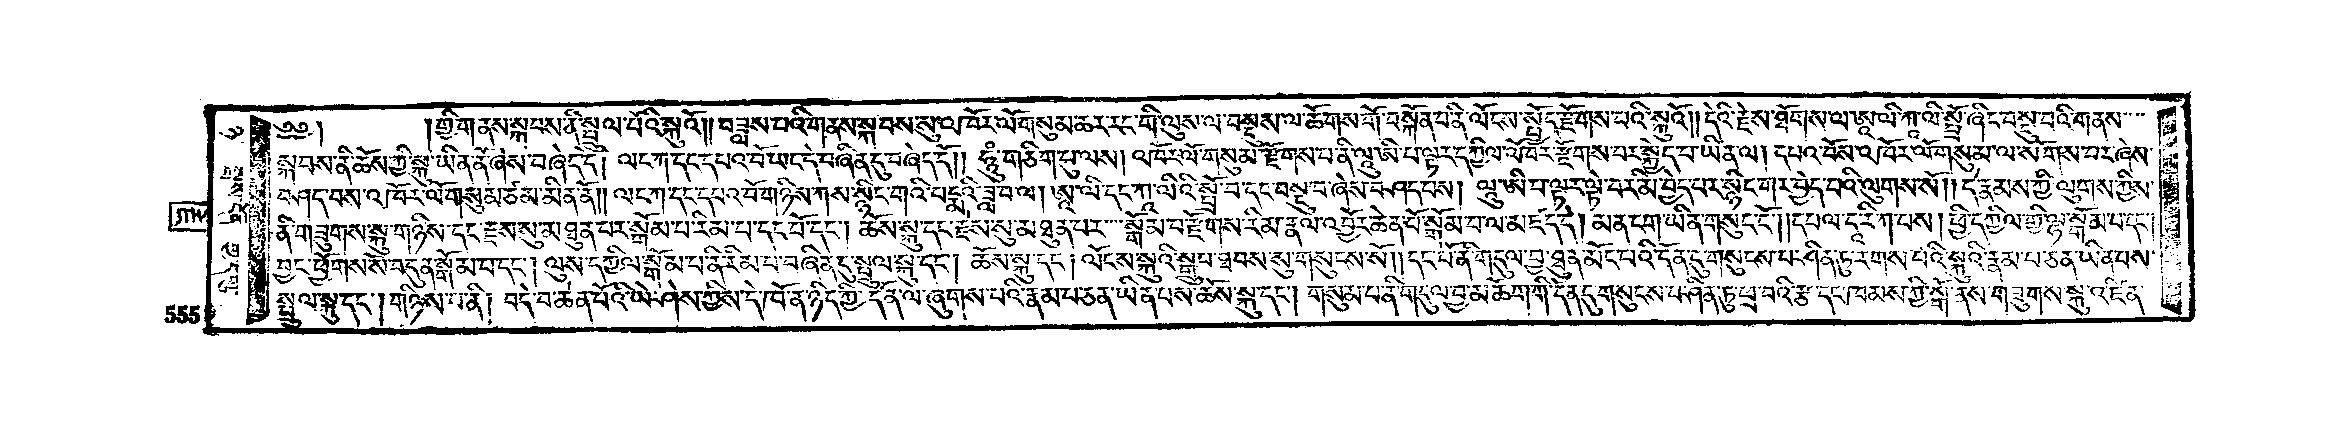༄༅། །གྱི་གནས་སྐབས་ནི་སྤྲུལ་པའི་སྐུའོ། །བཟླས་པའི་གནས་སྐབས་སུ་འཁོར་ལོ་གསུམ་ཆར་རང་གི་ལུས་ལ་བསྡུས་ལ་ཆོ་གས་གོ་བསྐོན་པ་ནི་ལོངས་སྤྱོད་རྫོགས་པའི་སྐུའོ། །དེའི་རྗེས་ཐོགས་ལ་ཨཱ་ལི་ཀཱ་ལི་སྤྲོ་ཞིང་བསྡུ་བའི་གནས་
སྐབས་ནི་ཆོས་ཀྱི་སྐུ་ཡིན་ནོ་ཞེས་བཞེད་དེ། ལང་ཀ་དང་དཔའ་བོ་ཡང་དེ་བཞིན་དུ་བཞེད་དོ། །ཧཱུཾ་གཅིག་པུ་ལས། འཁོར་ལོ་གསུམ་རྫོགས་པ་ནི་ལཱུ་ཨི་པ་ལྟར་དཀྱིལ་འཁོར་རྫོགས་པར་སྐྱེད་པ་ཡིན་ལ། དཔའ་བོས་འཁོར་ལོ་གསུམ་ལ་སོགས་པར་ཞེས་
བཤད་པས་འཁོར་ལོ་གསུམ་ཙམ་མིན་ནོ། །ལང་ཀ་དང་དཔའ་བོ་གཉིས་ཀས་སྙིང་གའི་པདམའི་ཟླ་བ་ལ། ཨཱ་ལི་དང་ཀཱ་ལིའི་སྤྲོ་བ་དང་བསྡུ་བ་ཞེས་བཤད་པས། ལཱུ་ཨི་པ་ལྟར་ལྟེ་བར་མི་བྱེད་པར་སྙིང་གར་བྱེད་པའི་ལུགས་སོ། །དེ་རྣམས་ཀྱི་ལུགས་ཀྱིས་
ནི་གཟུགས་སྐུ་གཉིས་དང་རྗེས་སུ་མཐུན་པར་སྒོམ་པ་རིམ་པ་དང་པོ་དང་། ཆོས་སྐུ་དང་རྗེས་སུ་མཐུན་པར་སྒོམ་པ་རྫོགས་རིམ་རྣལ་འབྱོར་ཆེན་པོ་སྒོམ་པ་ལ་མཛད་དེ། མན་ངག་ཡིན་གསུང་ངོ། །དཔལ་དཱ་རི་ཀ་པས། ཕྱི་དཀྱིལ་གྱི་ལྷ་སྒོམ་པ་དང་།
བྱང་ཕྱོགས་སོ་བདུན་སྒོམ་པ་དང་། ལུས་དཀྱིལ་སྒོམ་པ་ནི་རིམ་པ་བཞིན་དུ་སྤྲུལ་སྐུ་དང་། ཆོས་སྐུ་དང་། ལོངས་སྐུའི་སྒྲུབ་ཐབས་སུ་གསུངས་སོ། །དང་པོ་ནི་གདུལ་བྱ་ཐུན་མོང་པའི་དོན་དུ་གསུངས་པ་ཤིན་ཏུ་རགས་པའི་སྐུའི་རྣམ་པ་ཅན་ཡིན་པས་
སྤྲུལ་སྐུ་དང་། གཉིས་པ་ནི། བདེ་བ་ཆེན་པོའི་ཡེ་ཤེས་ཀྱིས་དེ་ཁོ་ན་ཉིད་ཀྱི་དོན་ལ་ཞུགས་པའི་རྣམ་པ་ཅན་ཡིན་པས་ཆོས་སྐུ་དང་། གསུམ་པ་ནི་གདུལ་བྱ་མཆོག་གི་དོན་དུ་གསུངས་པ་ཤིན་ཏུ་ཕྲ་བའི་རྩ་དང་ཁམས་ཀྱི་སྒོ་ནས་གཟུགས་སྐུ་འཛིན་